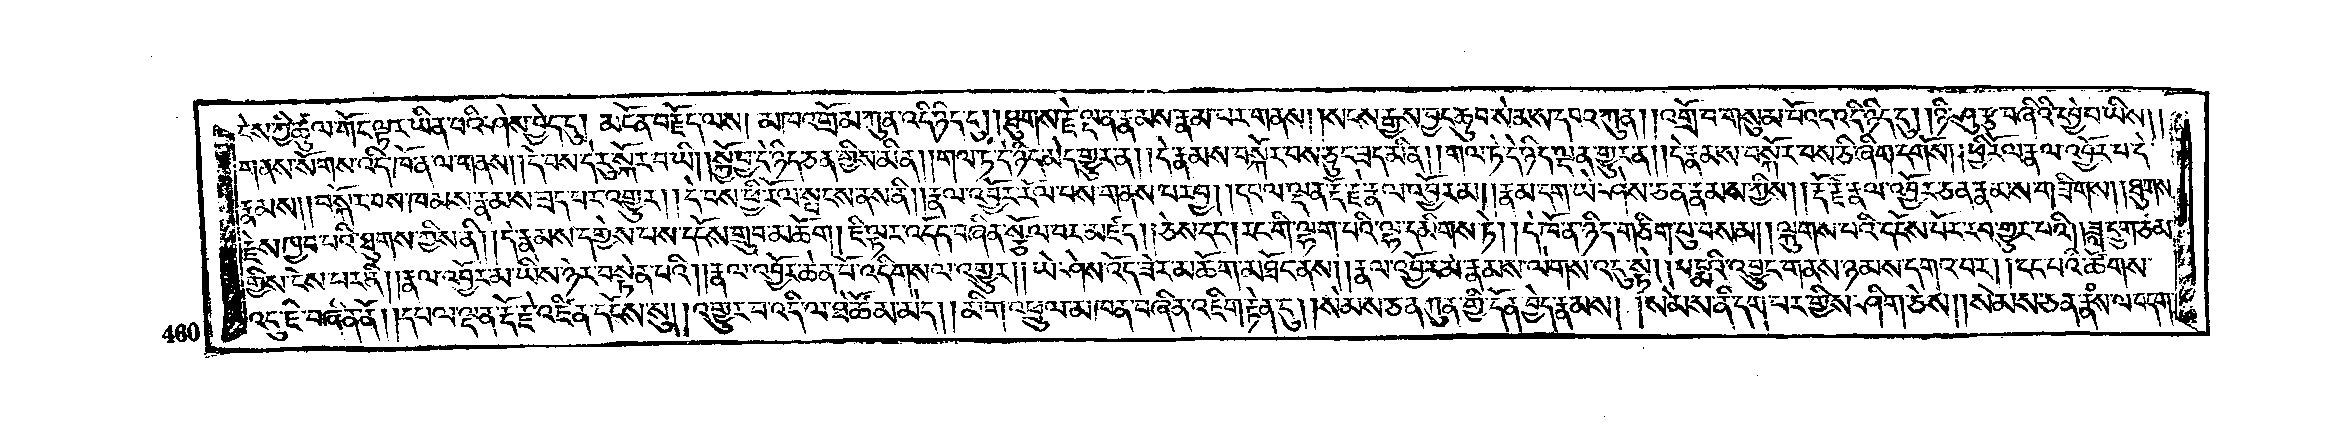ངེས་ཀྱི་ཚུལ་གོང་ལྟར་ཡིན་པའི་ཤེས་བྱེད་དུ། མངོན་བརྗོད་ལས། མཁའ་འགྲོ་མ་ཀུན་འདི་ཉིད་དུ། །ཐུགས་རྗེ་ལྡན་རྣམས་རྣམ་པར་གནས། །སངས་རྒྱས་བྱང་ཆུབ་སེམས་དཔའ་ཀུན། །འགྲོ་བ་གསུམ་པོའང་འདི་ཉིད་དུ། །ཉི་ཤུ་རྩ་བཞིའི་དབྱེ་བ་ཡིས། །
གནས་སོགས་འདི་ཁོ་ན་ལ་གནས། །དེ་བས་དེ་རུ་སྐོར་བ་ཡི། །སྐྱོ་བྱང་དེ་ཉིད་ཅན་གྱིས་མིན། །གལ་ཏེ་དེ་ཉིད་མེད་གྱུར་ན། །དེ་རྣམས་སྐོར་བས་ཅུང་ཟད་མིན། །གལ་ཏེ་དེ་ཉིད་ལྡན་གྱུར་ན། །དེ་རྣམས་བསྐོར་བས་ཅི་ཞིག་དགོས། །ཕྱི་རོལ་རྣལ་འབྱོར་པ་དེ་
རྣམས། །བསྐོར་བས་ཁམས་རྣམས་ཟད་པར་འགྱུར། །དེ་བས་ཕྱི་རོལ་སྤངས་ནས་ནི། །རྣལ་འབྱོར་རོལ་པས་གནས་པར་བྱ། །དཔལ་ལྡན་རྡོ་རྗེ་རྣལ་འབྱོར་མ། །རྣམ་དག་ཡེ་ཤེས་ཅན་རྣམས་ཀྱིས། །རྡོ་རྗེ་རྣལ་འབྱོར་ཅན་རྣམས་གཟིགས། །ཐུགས་
རྗེས་ཁྱབ་པའི་ཐུགས་ཀྱིས་ནི། །དེ་རྣམས་དགྱེས་པས་དངོས་གྲུབ་མཆོག །ཇི་ལྟར་འདོད་བཞིན་སྩོལ་བར་མཛད། །ཅེས་དང་། རང་གི་ལྷག་པའི་ལྷ་དམིགས་ཏེ། །དེ་ཁོ་ན་ཉིད་གཅིག་པུ་བསམ། །ལྐུགས་པའི་དངོས་པོར་རབ་གྱུར་བའི། །ཟླ་དྲུག་ཙམ་
གྱིས་ངེས་པར་ནི། །རྣལ་འབྱོར་མ་ཡིས་ཉེར་བསྟེན་པའི། །རྣལ་འབྱོར་ཆེན་པོ་འདི་གསལ་འགྱུར། །ཡེ་ཤེས་འོད་ཟེར་མཆོག་མཐོང་ནས། །རྣལ་འབྱོར་མ་རྣམས་ལེགས་འདུ་སྟེ། །པདམའི་འབྱུང་གནས་ཉམས་དགའ་བར། །ངང་པའི་ཚོགས་
འདུ་ཇི་བཞིན་ནོ། །དཔལ་ལྡན་རྡོ་རྗེ་འཛིན་དངོས་སུ། །འགྱུར་བ་འདི་ལ་ཐེ་ཚོམ་མེད། །མིག་འཕྲུལ་མཁན་བཞིན་འཇིག་རྟེན་དུ། །སེམས་ཅན་ཀུན་གྱི་དོན་བྱེད་རྣམས། །སེམས་ནི་དག་པར་གྱིས་ཤིག་ཅེས། །སེམས་ཅན་རྣམས་ལ་བདག་